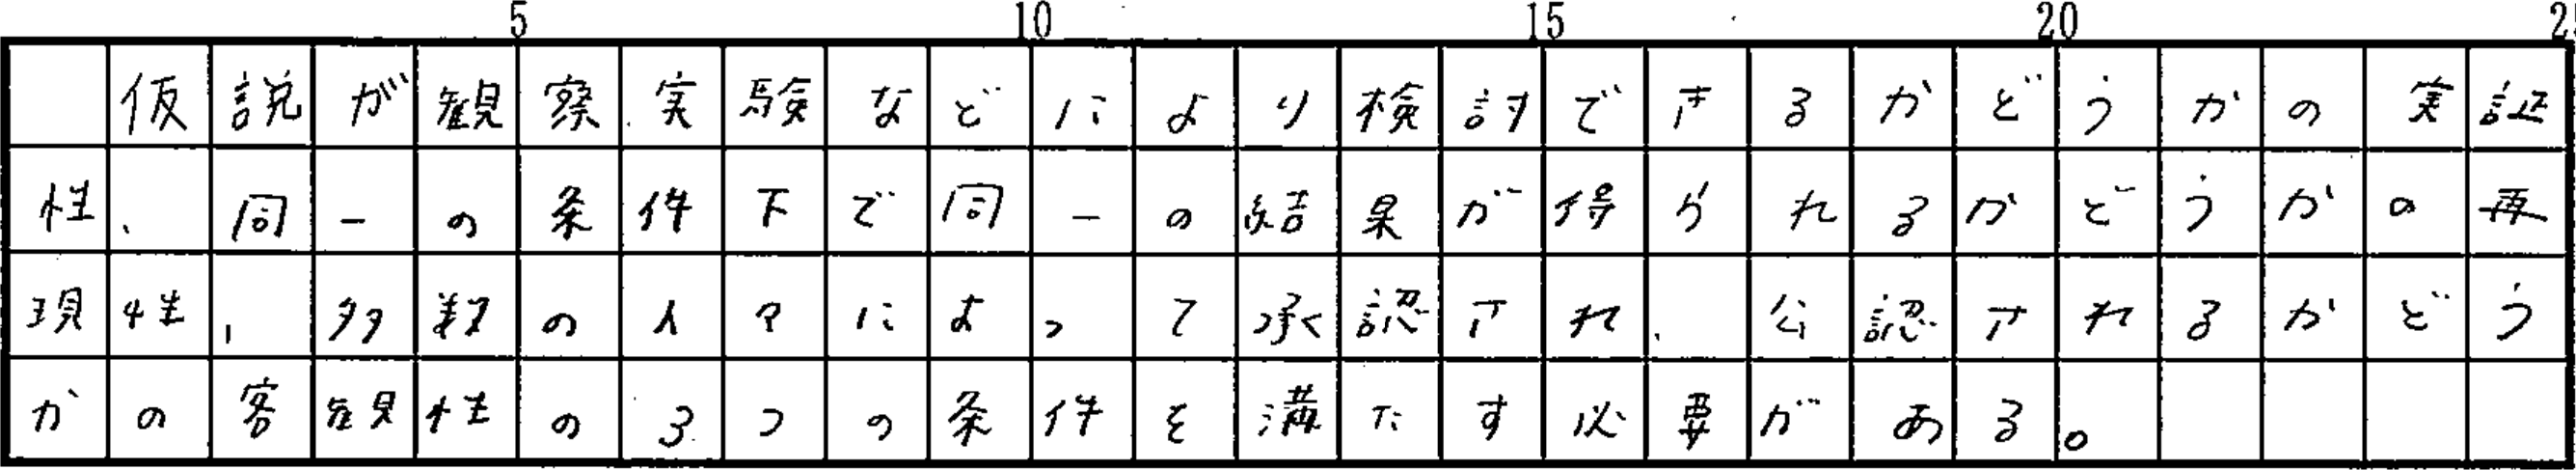　仮説が観察実験などにより検討できるかどうかの実証性、同一の条件下で同一の結果が得られるかどうかの再現性、多数の人々によって承認され、公認されるかどうかの客観性の３つの条件を満たす必要がある。
